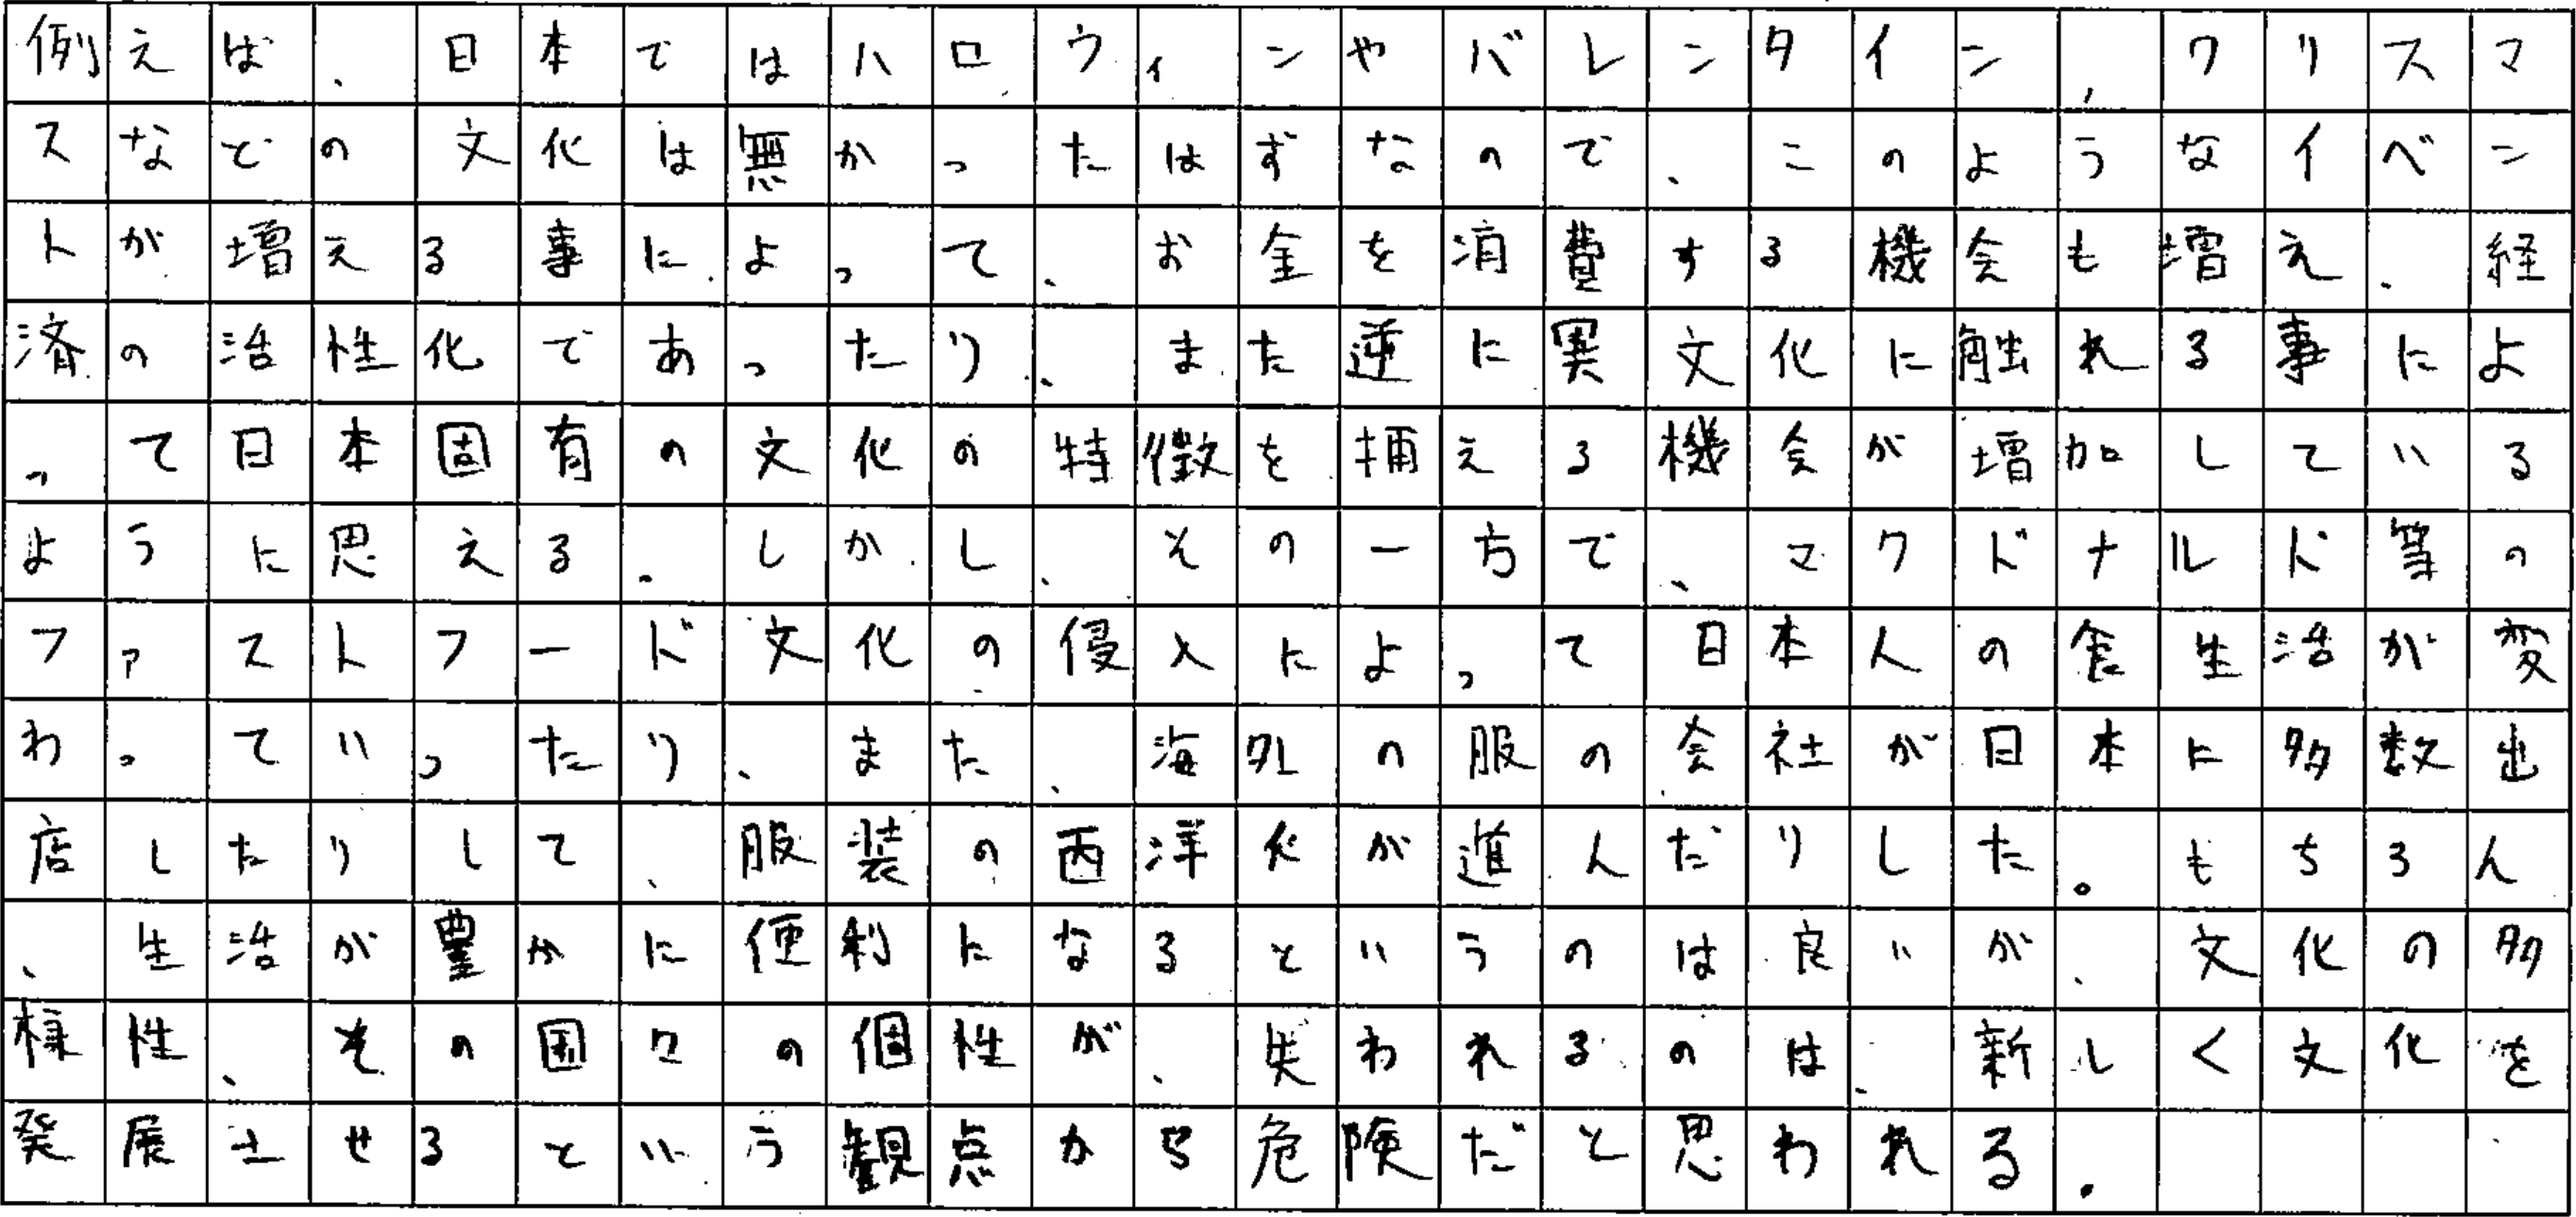例えば、日本ではハロウィンやバレンタイン、クリスマスなどの文化は無かったはずなので、このようなイベントが増える事によって、お金を消費する機会も増え、経済の活性化であったり、また逆に異文化に触れる事によって日本固有の文化の特徴を捕える機会が増加しているように思える。しかし、その一方で、マクドナルド等のファストフード文化の侵入によって日本人の食生活が変わっていったり、また、海外の服の会社が日本に多数出店したりして、服装の西洋化が進んだりした。もちろん、生活が豊かに便利になるというのは良いが、文化の多様性、その国々の個性が、失われるのは、新しく文化を発展させるという観点から危険だと思われる。
